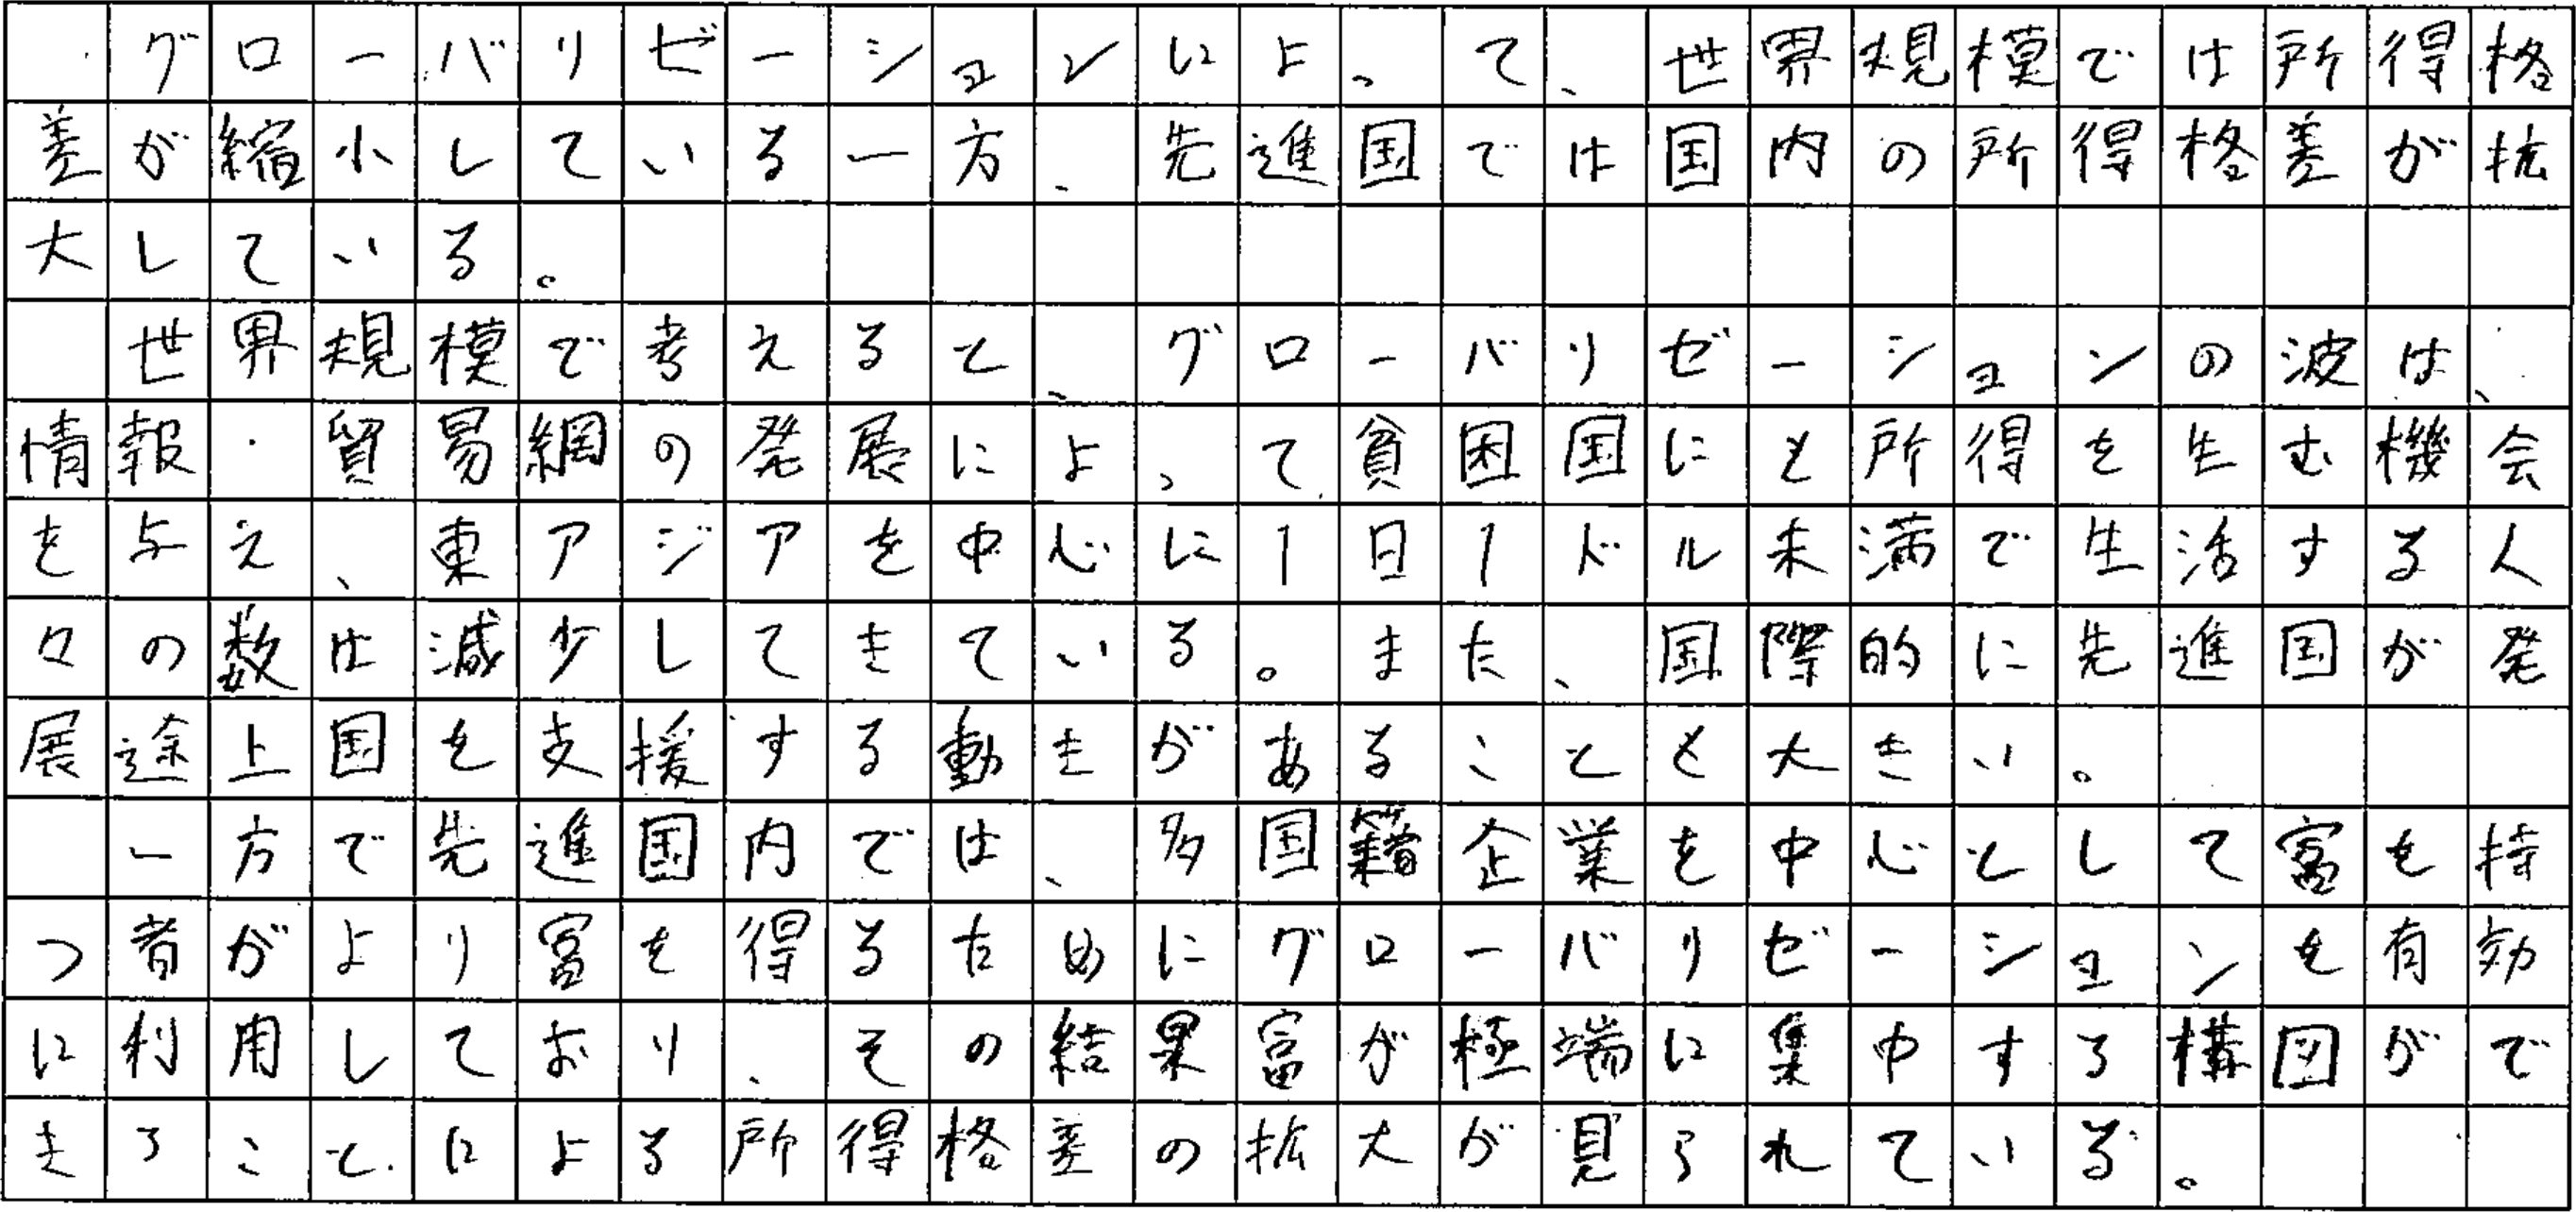　グローバリゼーションによって、世界規模では所得格差が縮小している一方、先進国では国内の所得格差が拡大している。
　世界規模で考えると、グローバリゼーションの波は、情報・貿易網の発展によって貧困国にも所得を生む機会を与え、東アジアを中心に1日1ドル未満で生活する人々の数は減少してきている。また、国際的に先進国が発展途上国を支援する動きがあることも大きい。
　一方で先進国内では、多国籍企業を中心として富を持つ者がより富を得るためにグローバリゼーションを有効に利用しており、その結果富が極端に集中する構図ができることによる所得格差の拡大が見られている。
